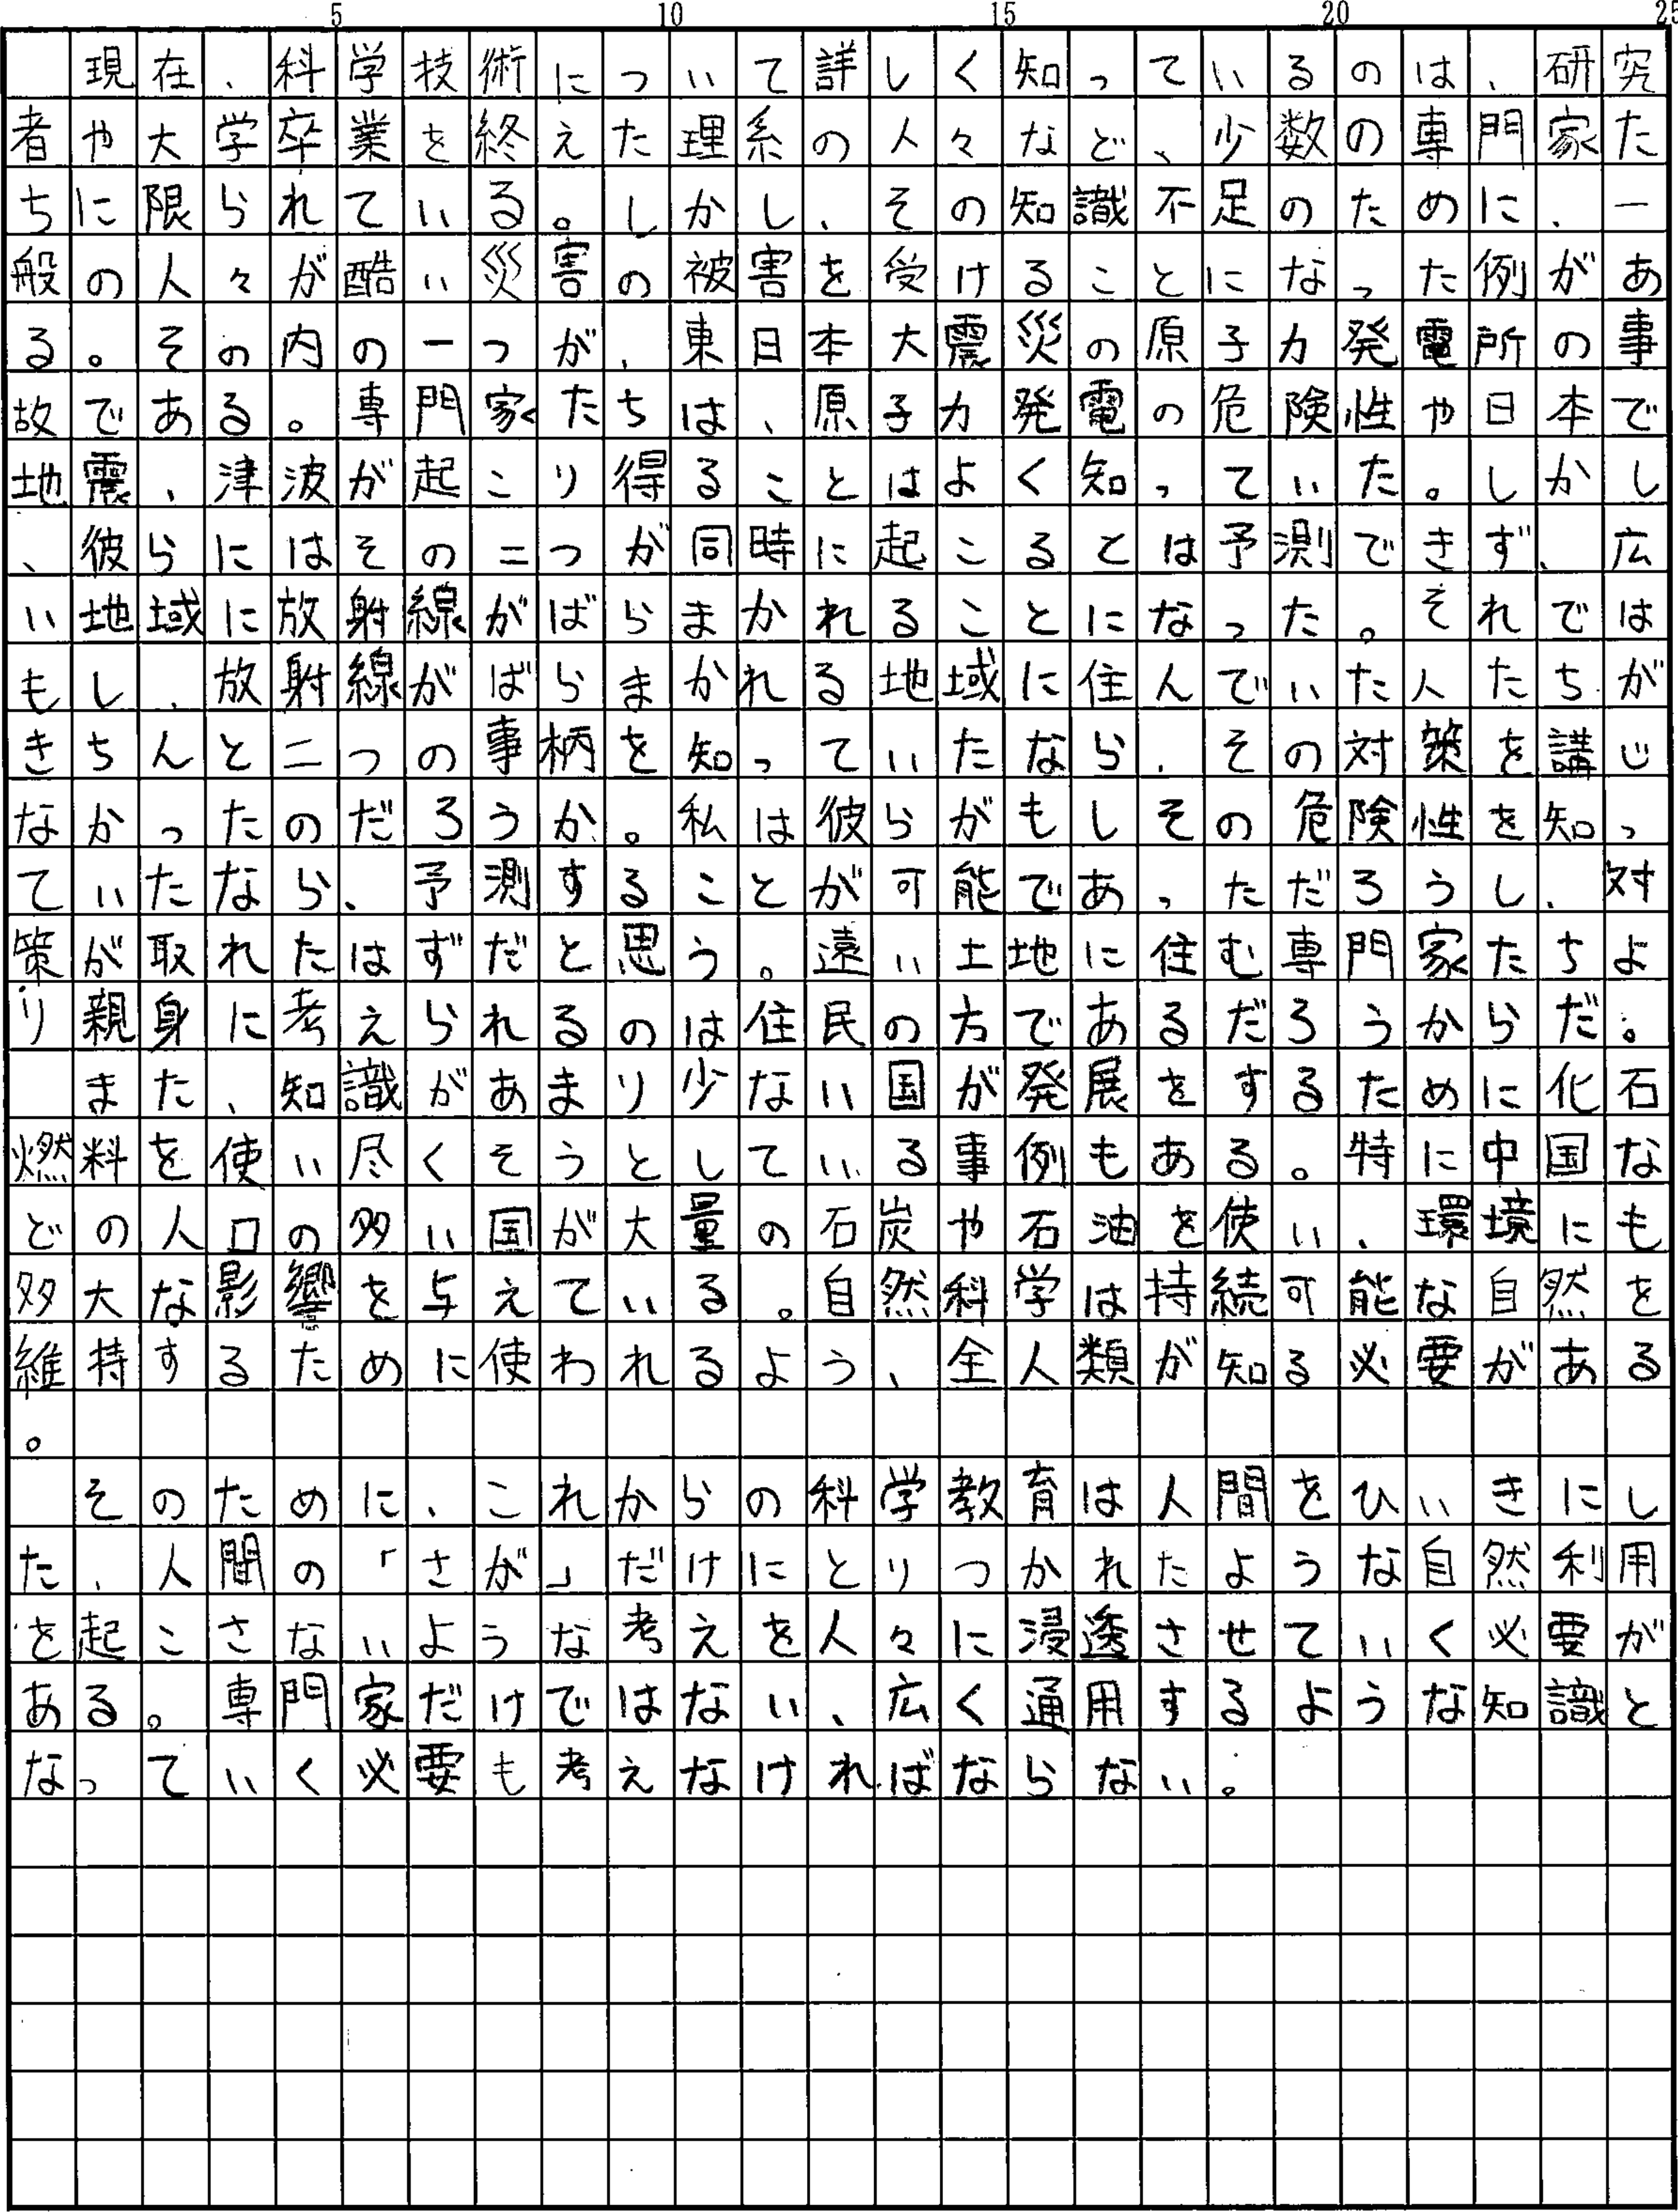　現在、科学技術について詳しく知っているのは、研究者や大学卒業を終えた理系の人々など、少数の専門家たちに限られている。しかし、その知識不足のために、一般の人々が酷い災害の被害を受けることになった例がある。その内の一つが、東日本大震災の原子力発電所の事故である。専門家たちは、原子力発電の危険性や日本で地震、津波が起こり得ることはよく知っていた。しかし、彼らにはその二つが同時に起こるとは予測できず、広い地域に放射線がばらまかれることになった。それではもし、放射線がばらまかれる地域に住んでいた人たちがきちんと二つの事柄を知っていたなら、その対策を講じなかったのだろうか。私は彼らがもしその危険性を知っていたなら、予測することが可能であっただろうし、対策が取れたはずだと思う。遠い土地に住む専門家たちより親身に考えられるのは住民の方であるだろうからだ。
　また、知識があまり少ない国が発展をするために化石燃料を使い尽くそうとしている事例もある。特に中国などの人口の多い国が大量の石炭や石油を使い、環境にも多大な影響を与えている。自然科学は持続可能な自然を維持するために使われるよう、全人類が知る必要がある。
　そのために、これからの科学教育は人間をひいきにした、人間の「さが」だけにとりつかれたような自然利用を起こさないような考えを人々に浸透させていく必要がある。専門家だけではない、広く通用するような知識となっていく必要も考えなければならない。
